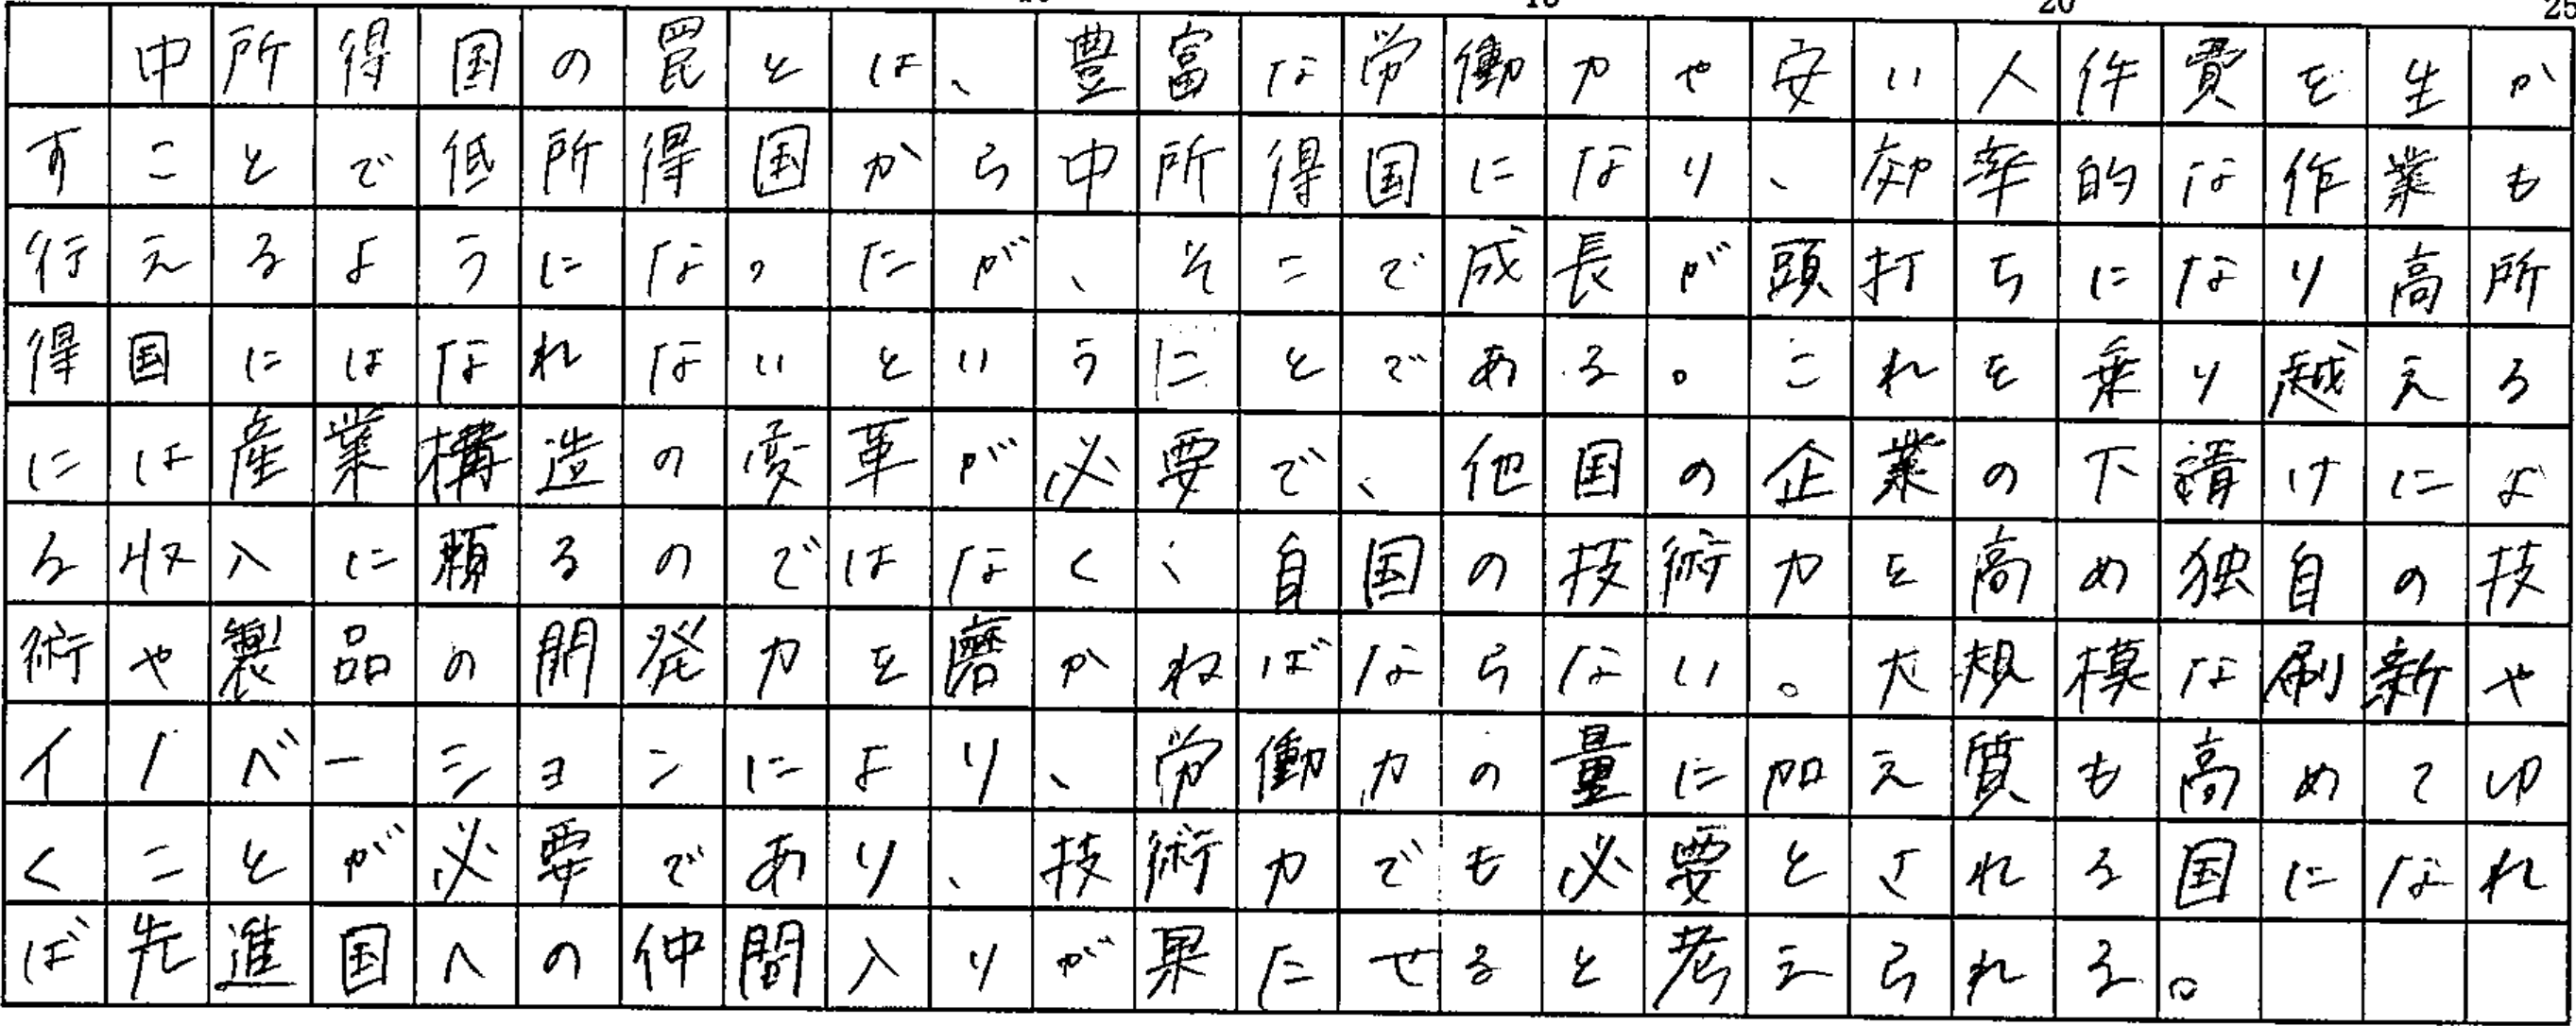　中所得国の罠とは、豊富な労働力や安い人件費を生かすことで低所得国から中所得国になり、効率的な作業も行えるようになったが、そこで成長が頭打ちになり高所得国にはなれないということである。これを乗り越えるには産業構造の変革が必要で、他国の企業の下請けによる収入に頼るのではなく、自国の技術力を高め独自の技術や製品の開発力を磨かねばならない。大規模な刷新やイノベーションにより、労働力の量に加え質も高めてゆくことが必要であり、技術力でも必要とされる国になれば先進国への仲間入りが果たせると考えられる。
